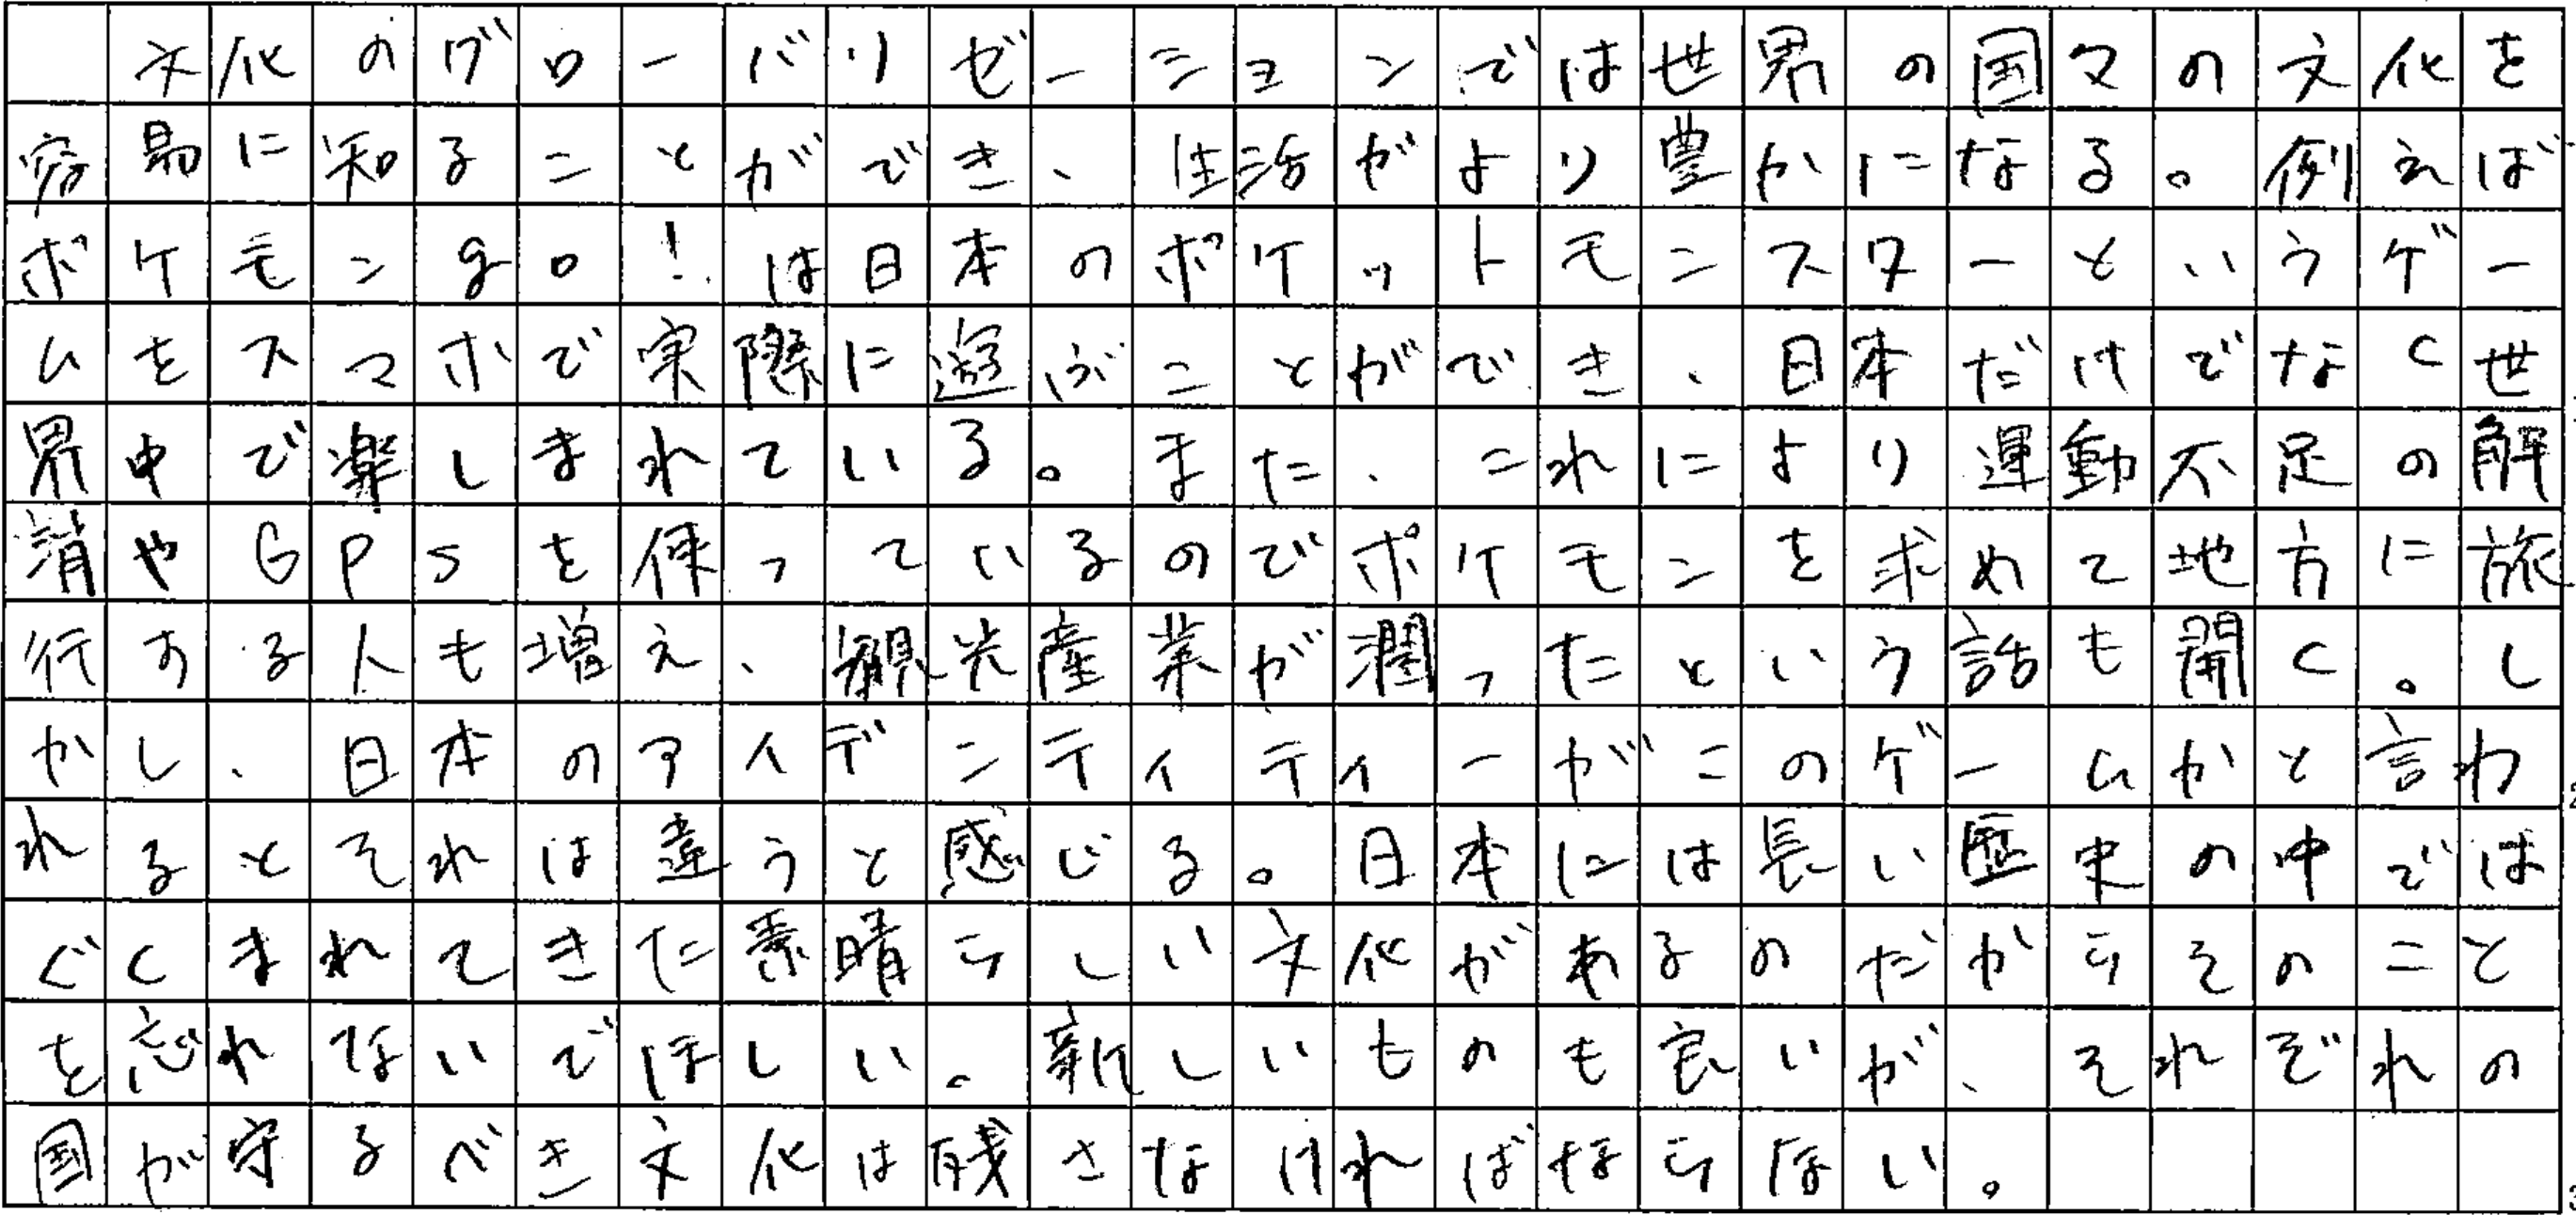　文化のグローバリゼーションでは世界の国々の文化を容易に知ることができ、生活がより豊かになる。例えばポケモンｇｏ！は日本のポケットモンスターというゲームをスマホで実際に遊ぶことができ、日本だけでなく世界中で楽しまれている。また、これにより運動不足の解消やＧＰＳを使っているのでポケモンを求めて地方に旅行する人も増え、観光産業が潤ったという話も聞く。しかし、日本のアイデンティティーがこのゲームかと言われるとそれは違うと感じる。日本には長い歴史の中ではぐくまれてきた素晴らしい文化があるのだからそのことを忘れないでほしい。新しいものも良いが、それぞれの国が守るべき文化は残さなければならない。
